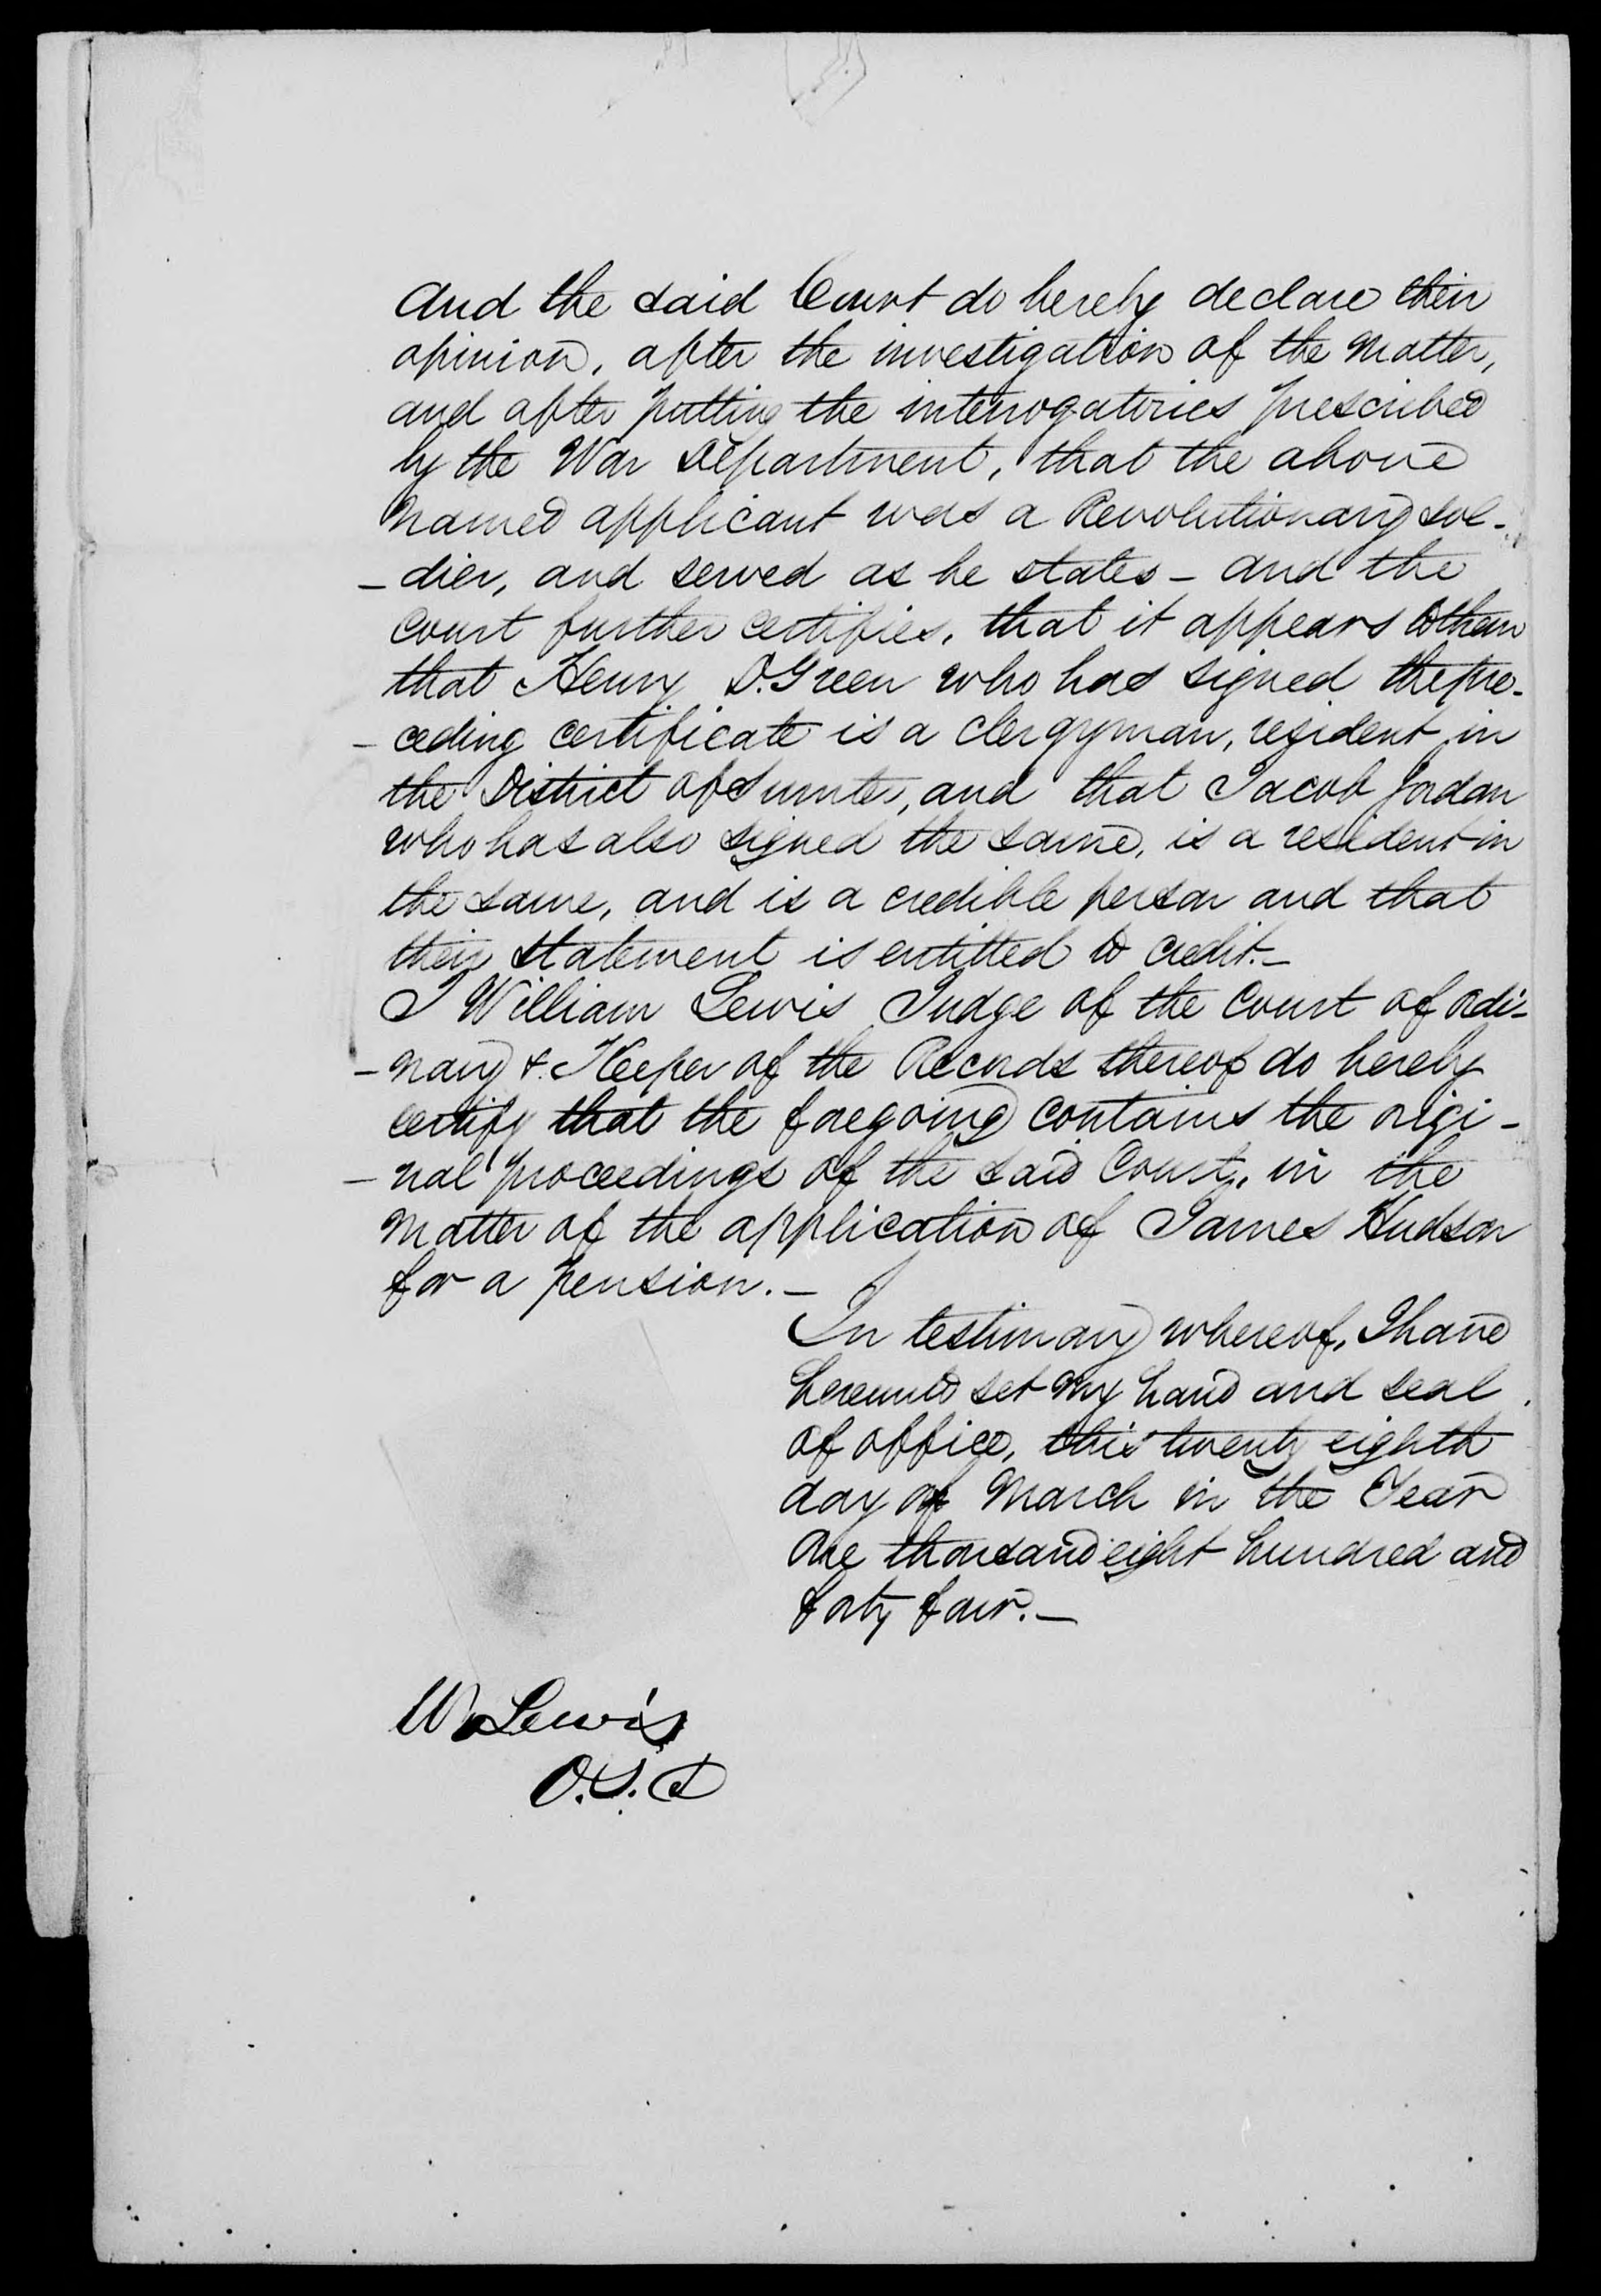and the said tenant do hereby declare their opinion, after the investigation of the matter, and after putting the interrogatories prescribed by the War Department, that the above named applicant was a Revolutionary War soldier, and served as he states, and the court further certifies, that it appears othero that Henry D. Green who had signed the proceding certificate is a clergyman, resident in the District of Sumter, and that Jacob Jordan who has also signed the same, is a resident in the same, and is a a credible person and that their statement is entitled to credit. I William Lewis Judge of the Court of ordinary & Keeper of the Records thereof do hereby certify that the foregoing contains the original proceedings of the said Courts, in the matter of the application of James Hudson for a pension. In testimony whereof, I have hereunto set my hand and seal af affico, this twenty eighth day of March in the Year one thousand eight hundred and forty four.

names: Henry D Green, Jacob Jordan, William Lewis, W Lewis, James Hudson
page: 16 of 33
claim: rejected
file: R. 5334, James Hudson, N.C.